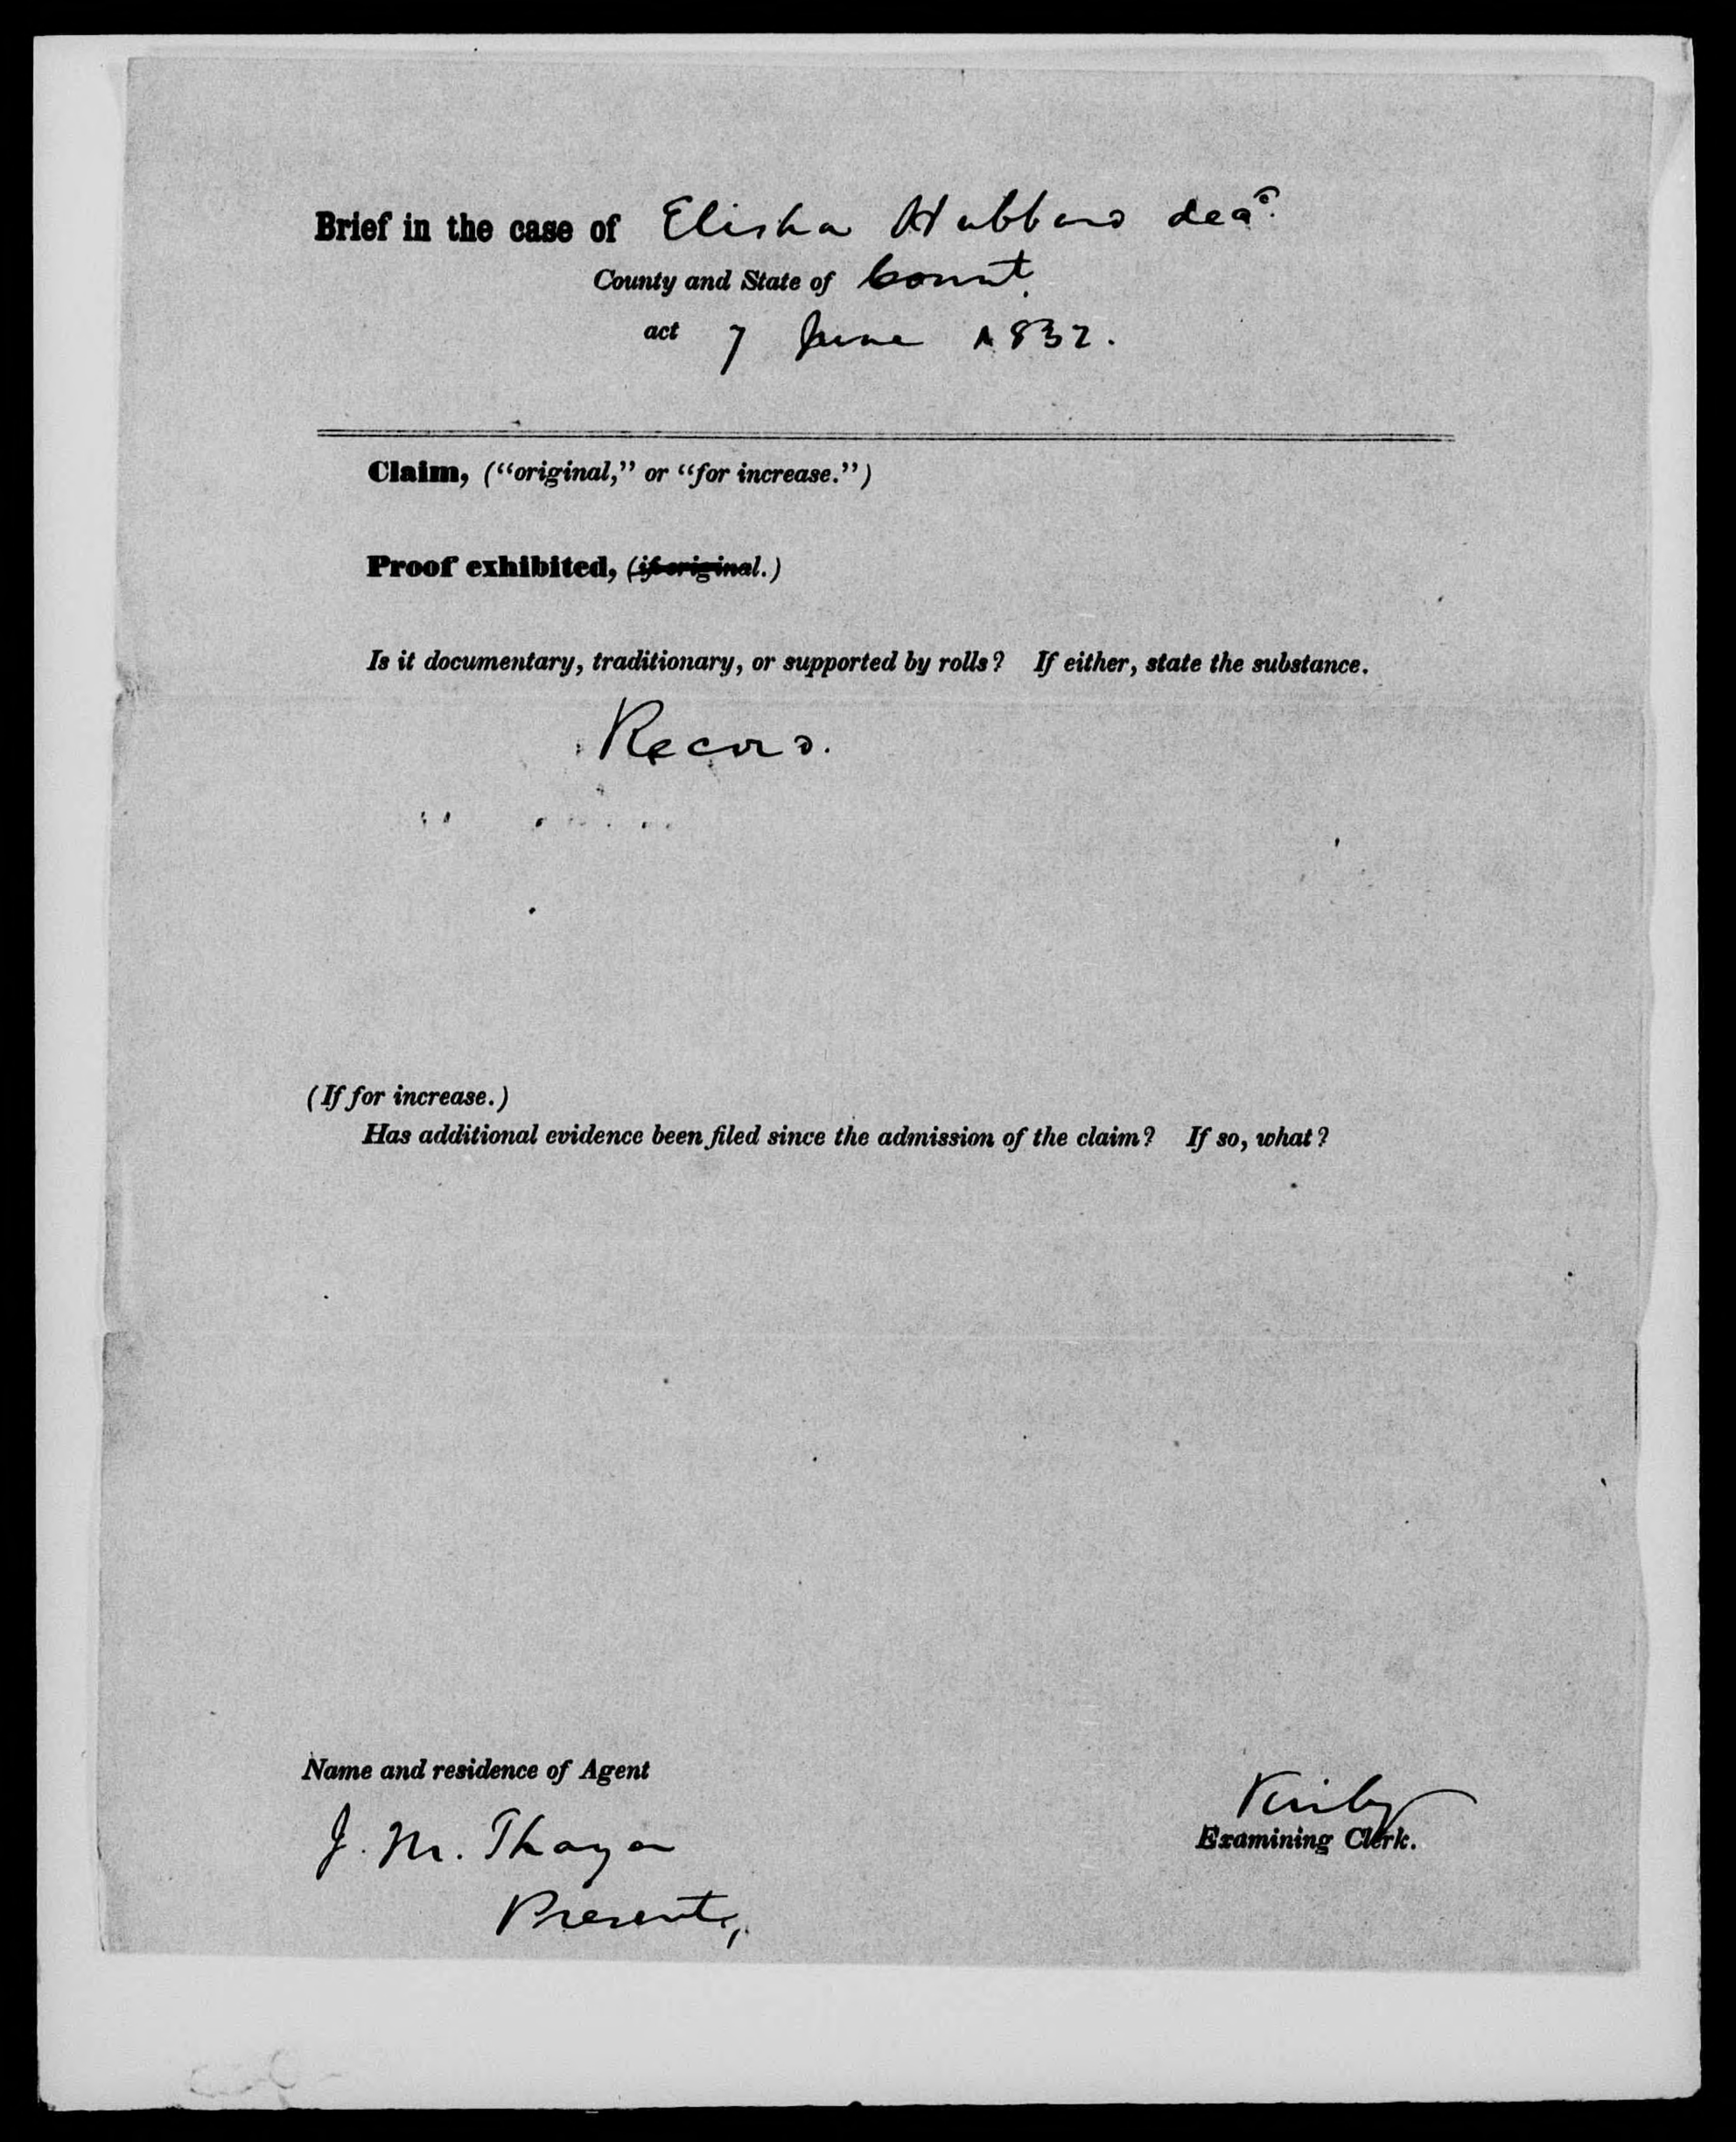Brief in the case of Elisha Hubbard decd
County and State of Connt.
act 7 June 1832.


Claim, ("original," or "for increase.")

Proof exhibited, 

Is it documentary, traditionary, or supported by rolls?  If either, state the substance.

Record.

(If for increase.)
Has additional evidence been filed since the admission of the claim?  If so, what?




Name and residence of Agent
J. M. Thayer
Present

Kirby
Examining Clerk.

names: Elisha Hubbard, Kirby, J M Thayer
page: 39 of 63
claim: survivor's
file: S. 18457, Elisha Hubbard, Conn. Continental